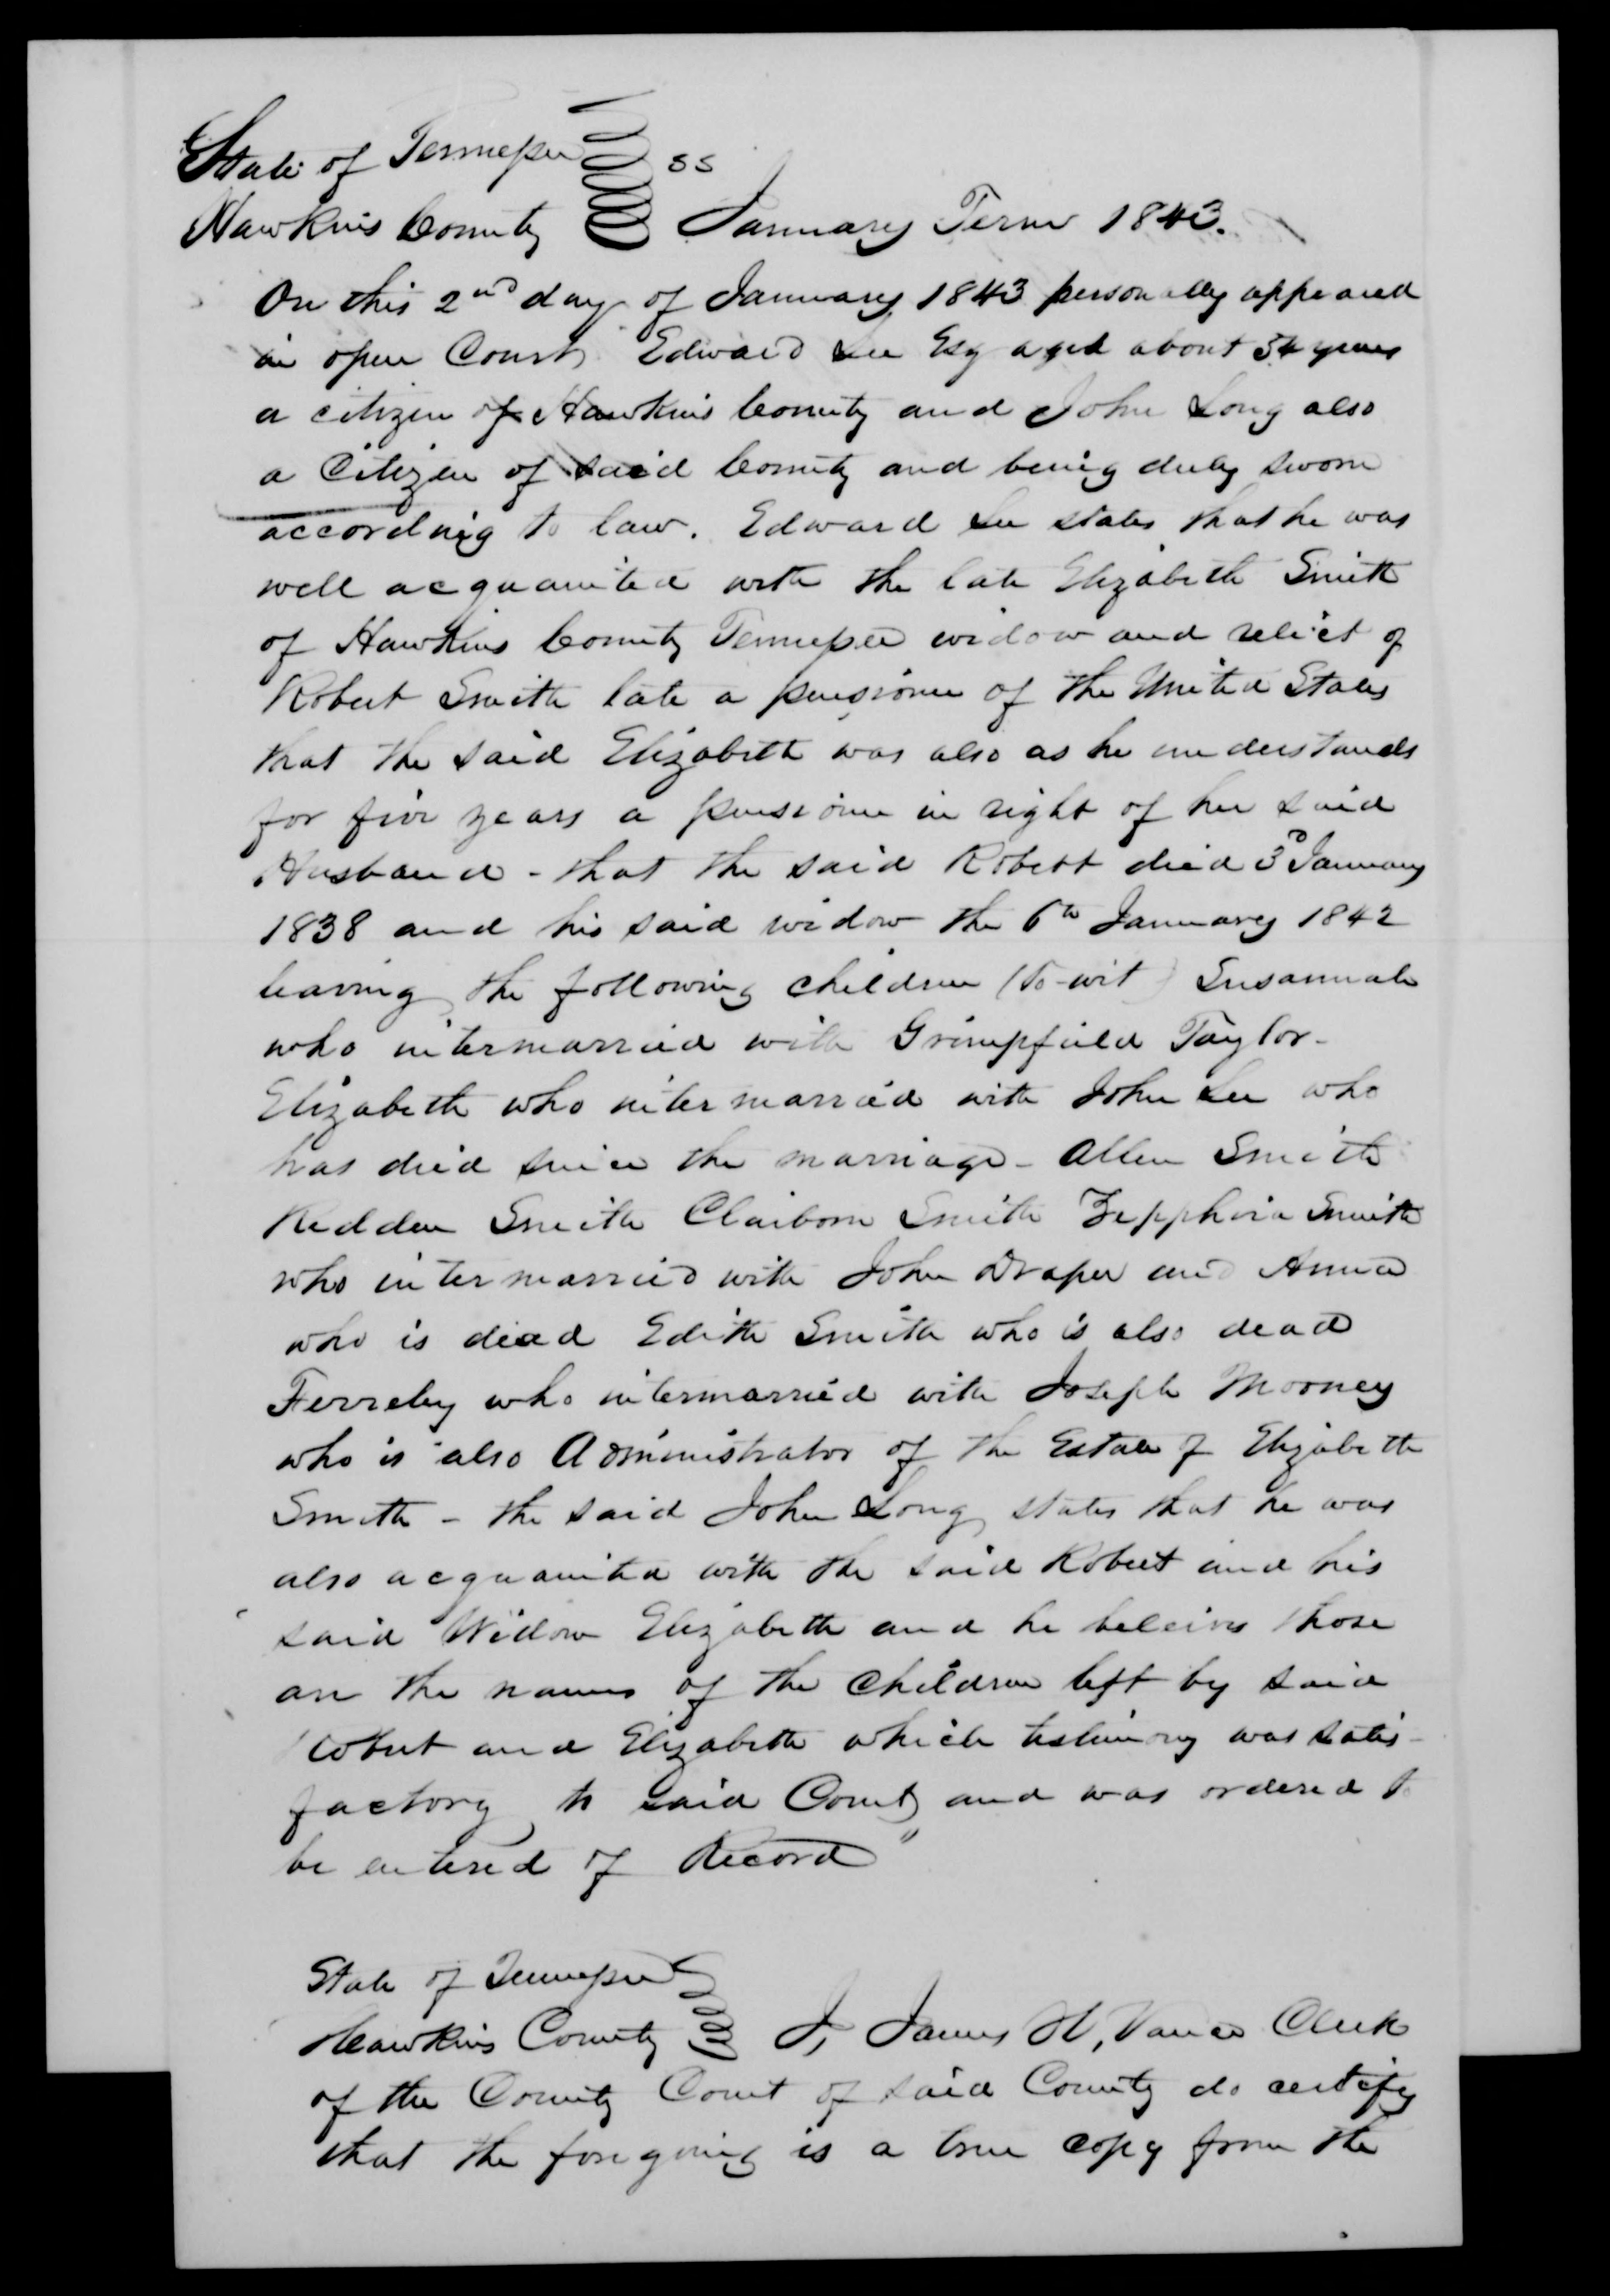State of Tennessee Hawkins County 
January Term 1843.
On this 2nd day of January 1843 personally appeared in open court Edward Lee Esq aged about 54 years a Citizen of Hawkins County and John Long also a Citizen of said county and being duly sworn according to law. Edward Lee states that he was well acquainted with the Late Elizabeth Smith of Hawkins County Tennessee widow and relict of Robert Smith late a pensioner of the United States that the said Elizabeth was also as he understands for five years a pensioner in right of her said Husband. that the said Robert died 3d January 1838 and his said widow the 6th January 1842 leaving the following children (to wit) Susannnah who intermarried with Grimpfield Taylor- Elizabeth who intermarried with John Lee who has died since the marriage - Allen Smith  Redden Smith Claiborn Smith Zepphira Smith who is intermarried with John Draper and Anna who is dead Edith Smith who is also dead Ferreby who intermarried with Joseph Mooney who is also an administrator of the Estate of Elizabeth Smith- the said John Long states that he was also acquainted with the said Robert and his said widow Elizabeth  and he believes those are the names of the children left by said Robert and Elizabeth which testimony was satisfactory to said Court and was ordered to  be entered of Record.

State of Tennessee Hawkins County  I, James H Vance Clerk of the County Court of said County do certify that the foregoing is a true copy from the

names: Edward Lee; Edward Lee; Allen Smith; Joseph Mooney; Redden Smith; Robert Smith; James H Vance; Robert [BLANK]; John Long; Elizabeth [BLANK]; Zepphina Smith; Elizabeth [BLANK]; Edith Smith; John Lee; Elizabeth Smith; John Lee; John Long; Claiborn Smith; Elizabeth [BLANK]; Grimpfield Taylor; Anna [BLANK]; Elizabeth [BLANK]; Robert [BLANK]; Ferreby [BLANK]; John Draper; Elizabeth Smith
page: 44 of 79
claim: widow's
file: W. 1504, for Robert Smith, North Carolina